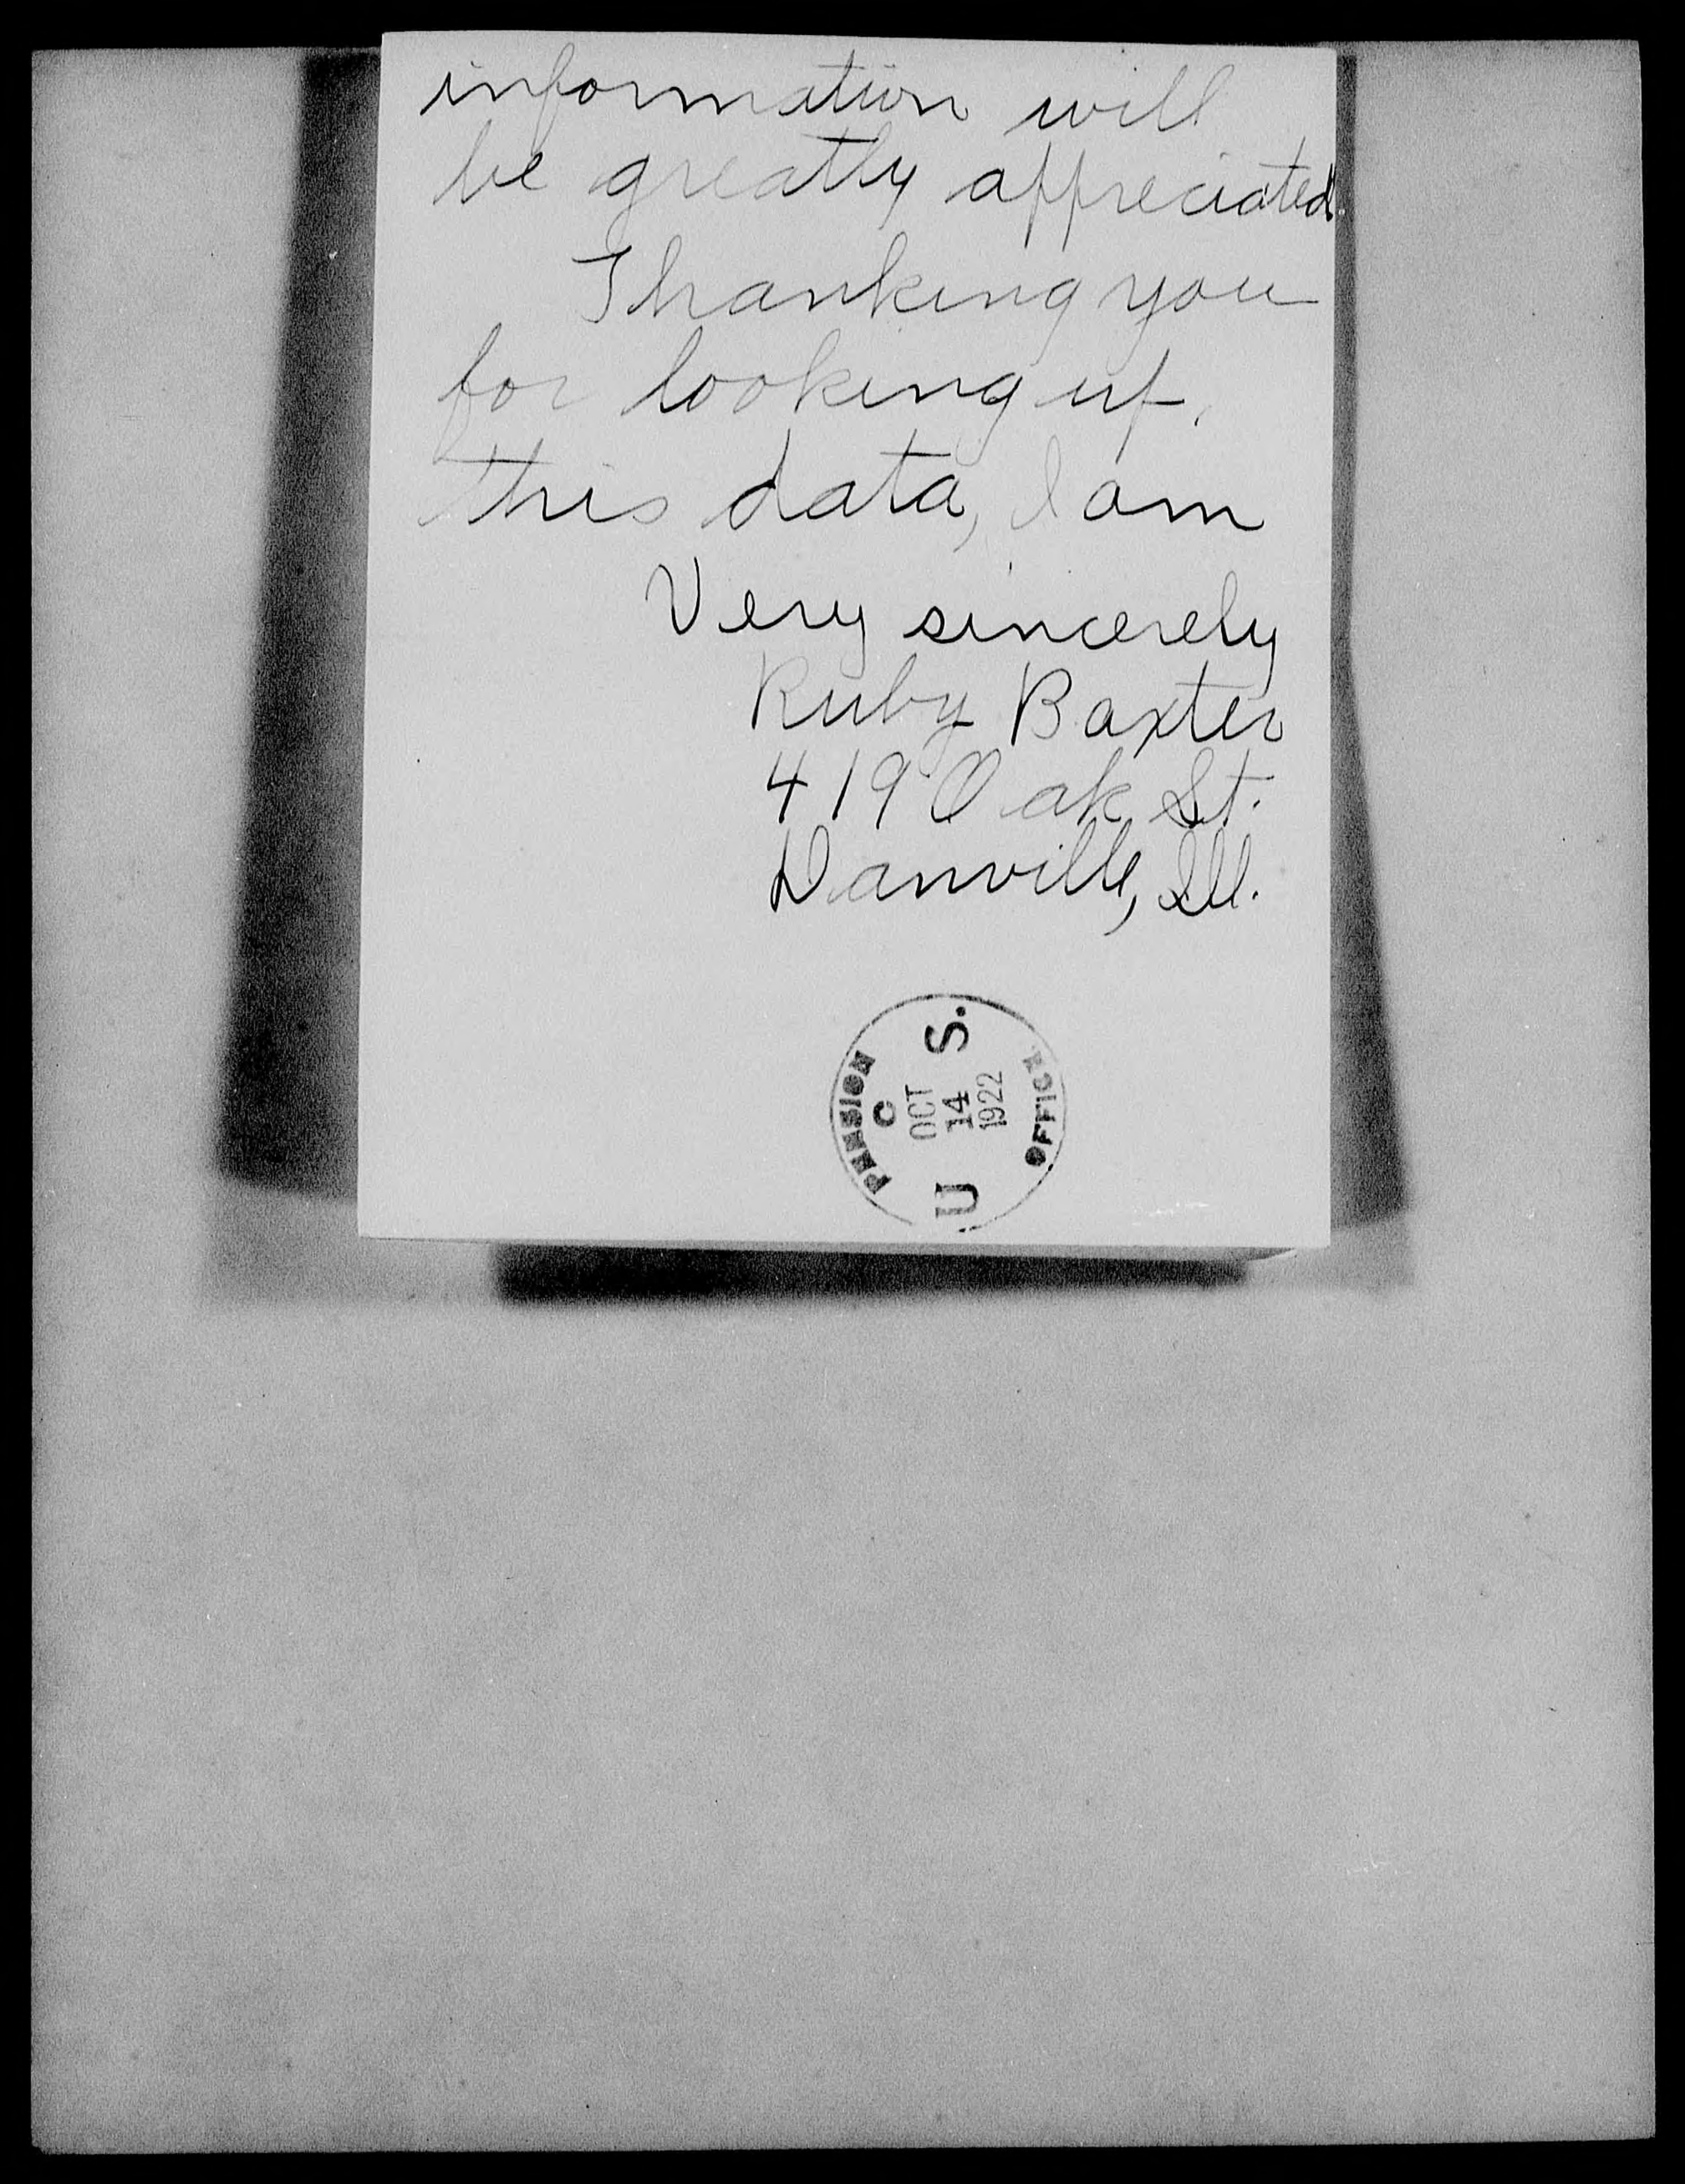Image 112 4160873_0012
Fold3 File #23857278

[Continued from image 111]
Information will be greatly appreciated. Thanking you for looking up this data, I am  Very sincerely Ruby Baxter 419 Oak St. Danville, Ill.

[Postmark] Oct 14 1992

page: 54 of 71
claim: widow's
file: W. 8428, for James Mc Gill, Pennsylvania